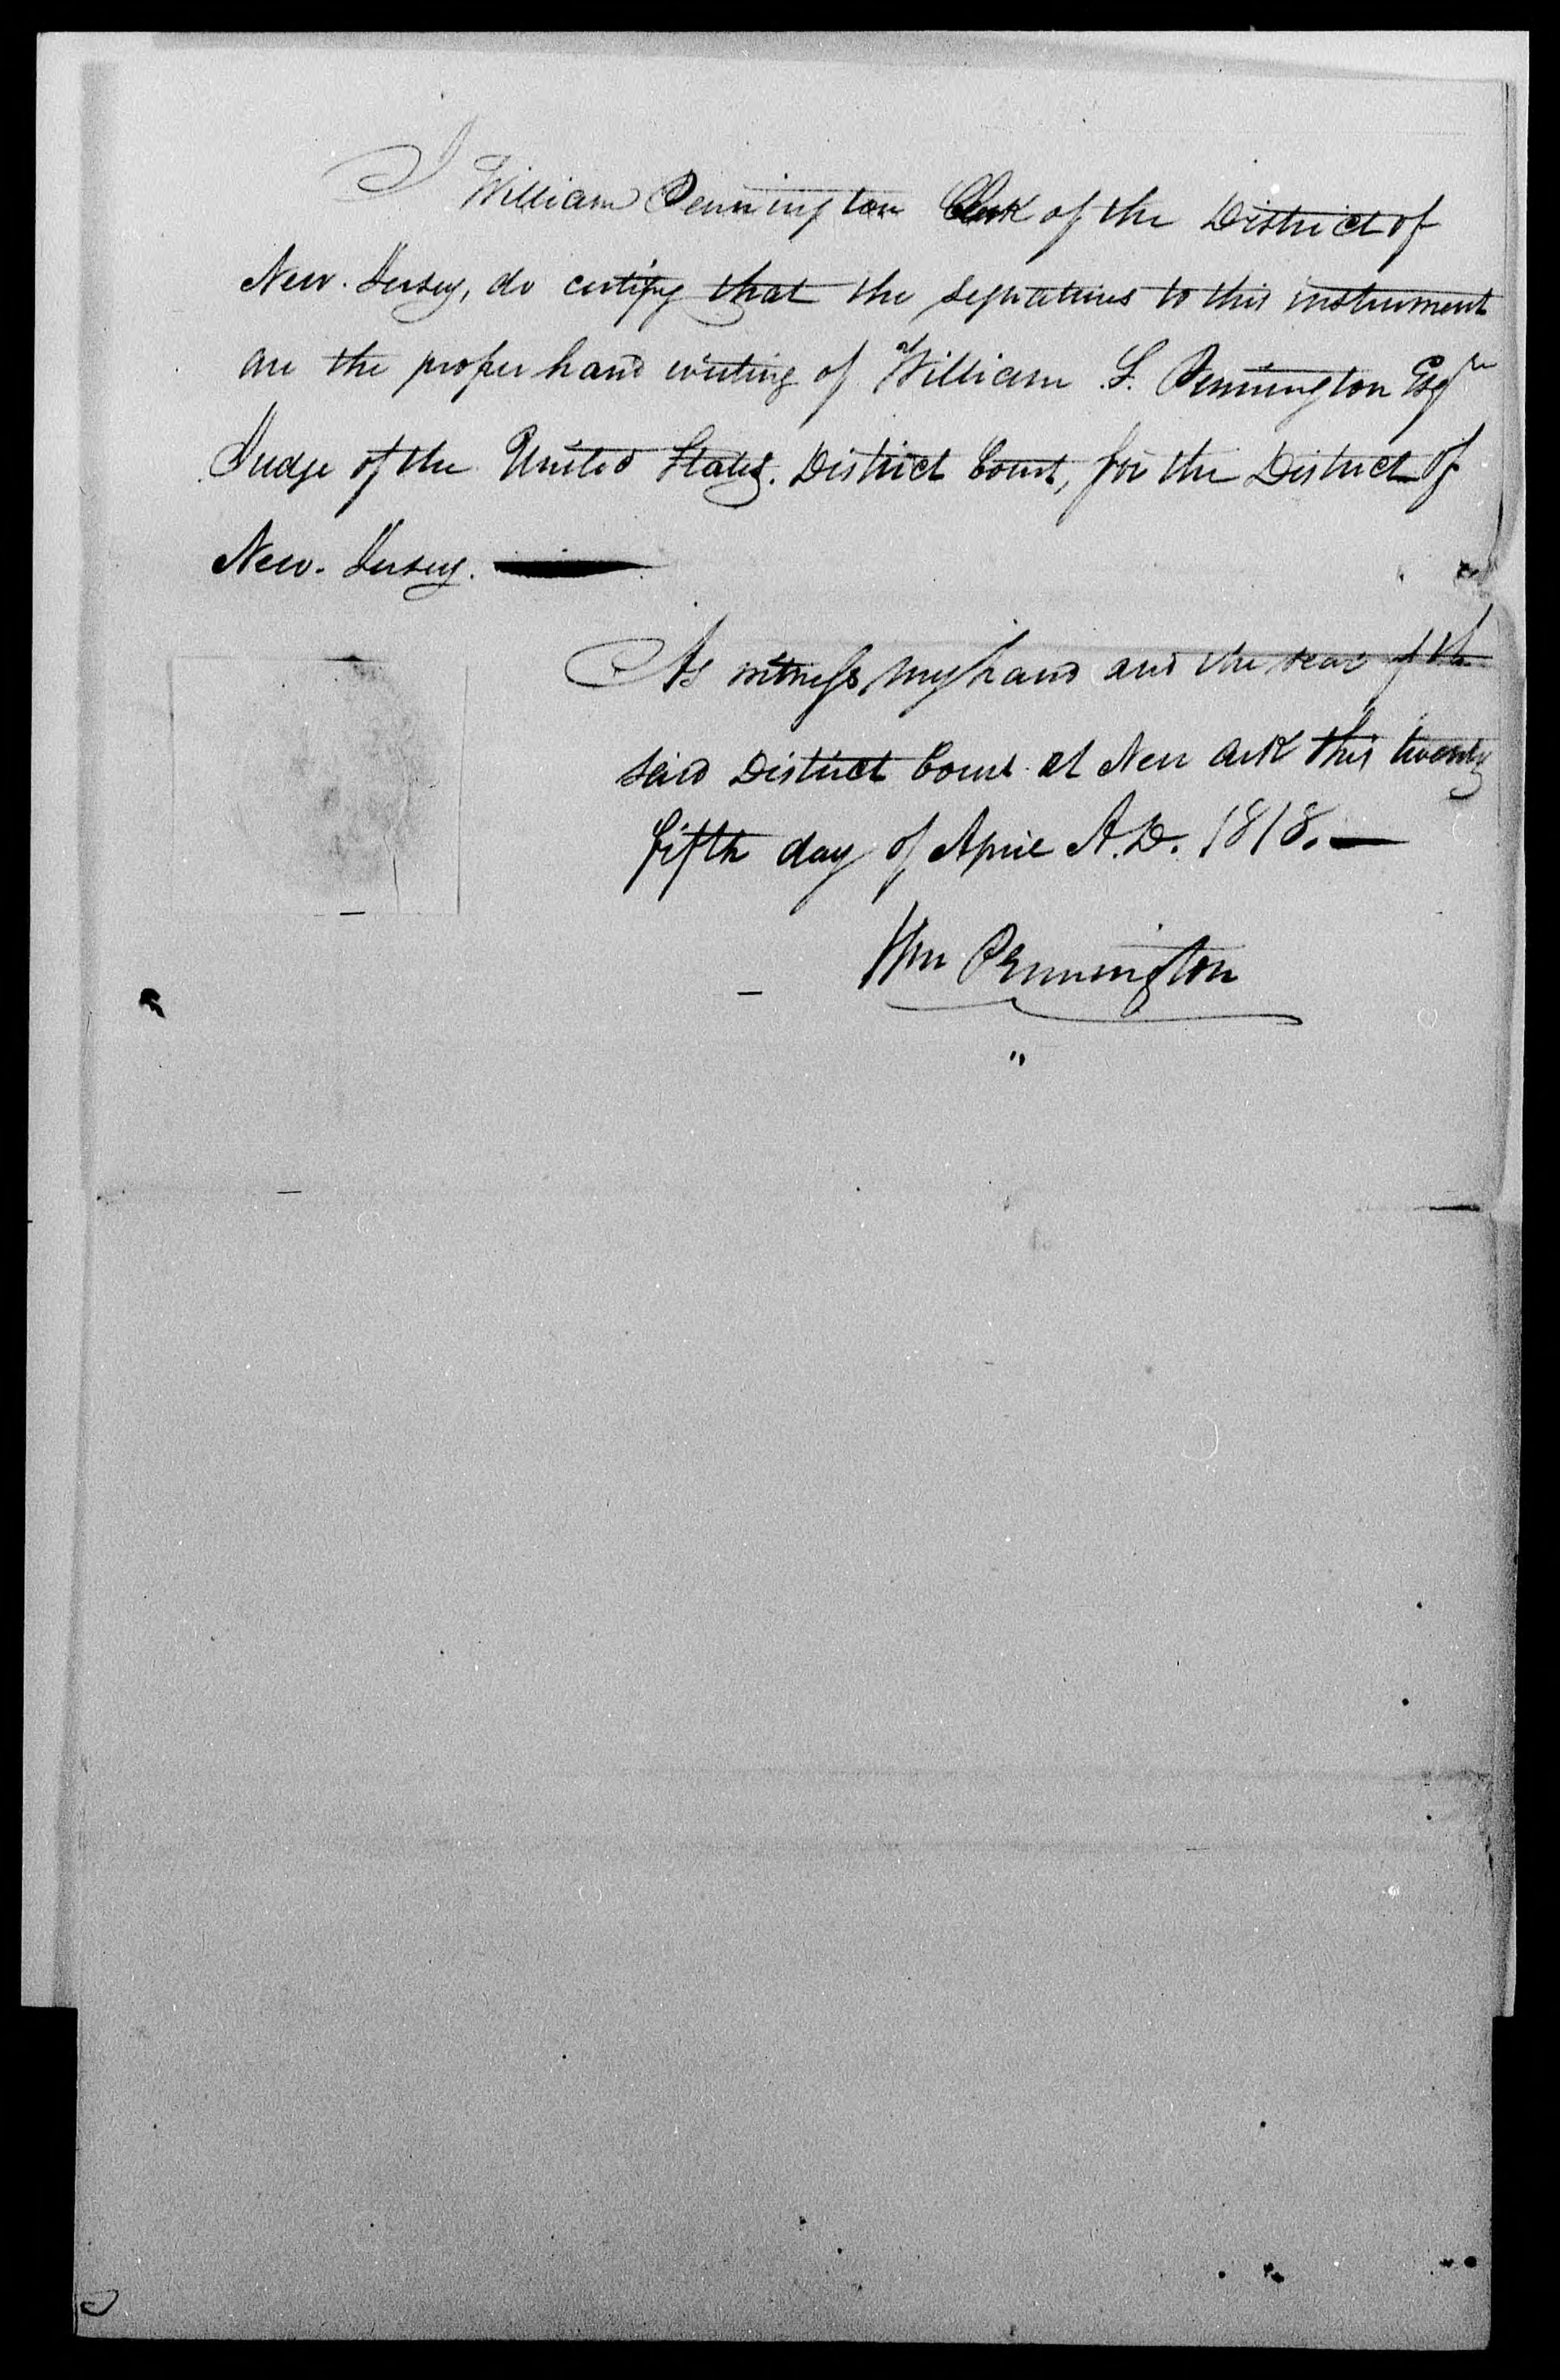I William Pennington of the District of New Jersey, do certify that the signatures to this instrument are the proper handwriting of William S. Pennington Esq. Judge of the United States District Court for the District of New Jersey.
As witness my hand and the seal of the said district court at New Oak this twenty fifth day of April A.D. 1818.
Wm. Pennington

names: William S Pennington, William Pennington, Wm Pennington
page: 8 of 9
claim: survivor's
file: S. 34,076, William Briggs, Penn.